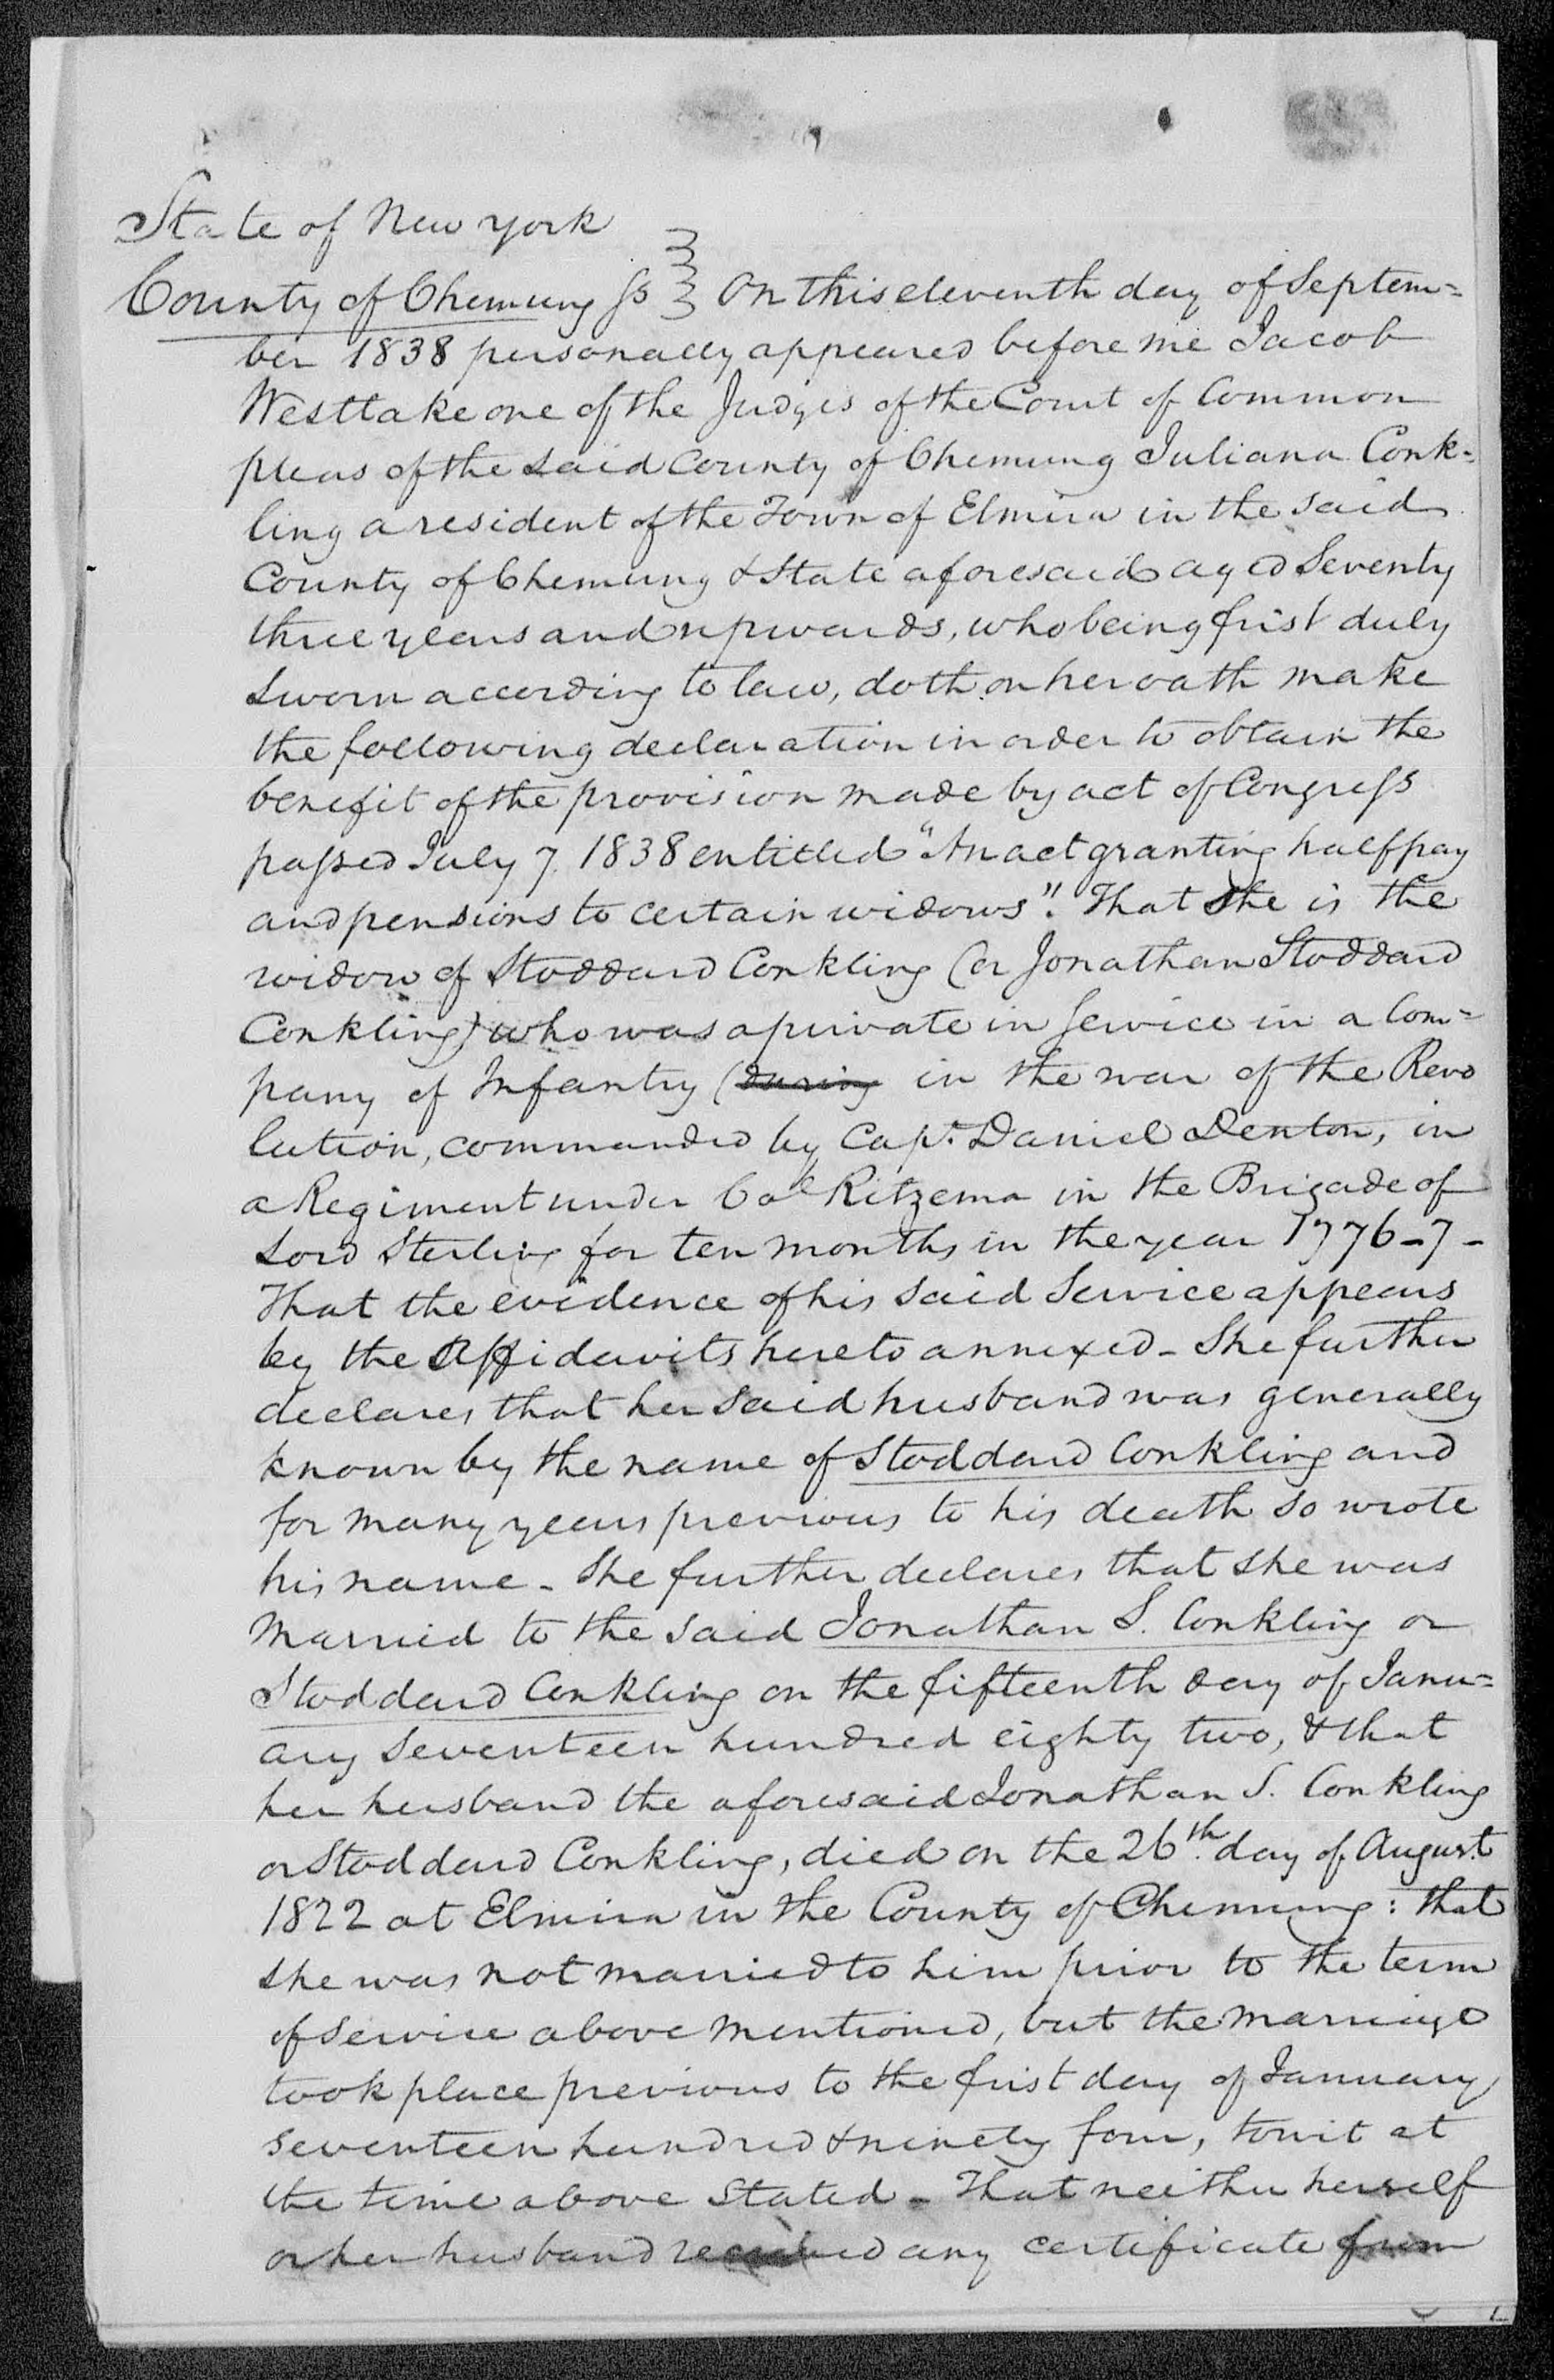State of New York  Chemung County ss} 
Ebenzer Bartlett of Elmira in the said county being duly sworn says that his age is seventy eight years and upwards; that he is a now pensioned under the act of June 7 1832 for services in the war of the Revolution in Capt. Daniel Denton's company of Orange County (NY) militia and Capt. Ebenezer Woodhull's company  of Cavalry. That he was well acquainted with Stoddard Conkling then of the said county of Orange, ( where the deponent also resided.) late of Chemung county deceased- That about the first day of March 1776 the said Stoddard Conkling enlisted for one year in a company commanded by Capt. Daniel Denton ( Chester in the county of Orange) and the said compy was immediately marched to New York; when they arrived there they  were attached to a regiment commanded by Col. Rudolphus Ritzema- in the Brigade commanded by Lord Sterling- the said Stoddard Conkling continued in the service until late in the fall and until after the capture of the Hessians at Trenton December 26 1776 when he was permitted to return home. This deponent was also enlisted at the same time in the said company- he knows that said Stoddard Conkling was in the Battle at White Plains in October or November 1776. The deponent has always understood that Conkling served ten months- The deponent continues to be well acquainted with the said Stoddard Conkling during his residence in the county of Orange + after his removal to the county of Chemung ( then Tioga county) and until the death of the said Stoddard Conkling about the middle of August 1822. This deponent was present at the marriage of the said Stoddard Conkling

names: Jonathan S Conkling, Jonathan S Conkling, Stoddard Conkling, Stoddard Conkling, Juliana Conkling, Daniel Denton, Stoddard Conkling, Jacob Westlake, Ritzema, Jonathan Stoddard Conkling, Stoddard Conkling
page: 4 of 18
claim: widow's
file: W. 18,939, Jonathan S Conkling, New York